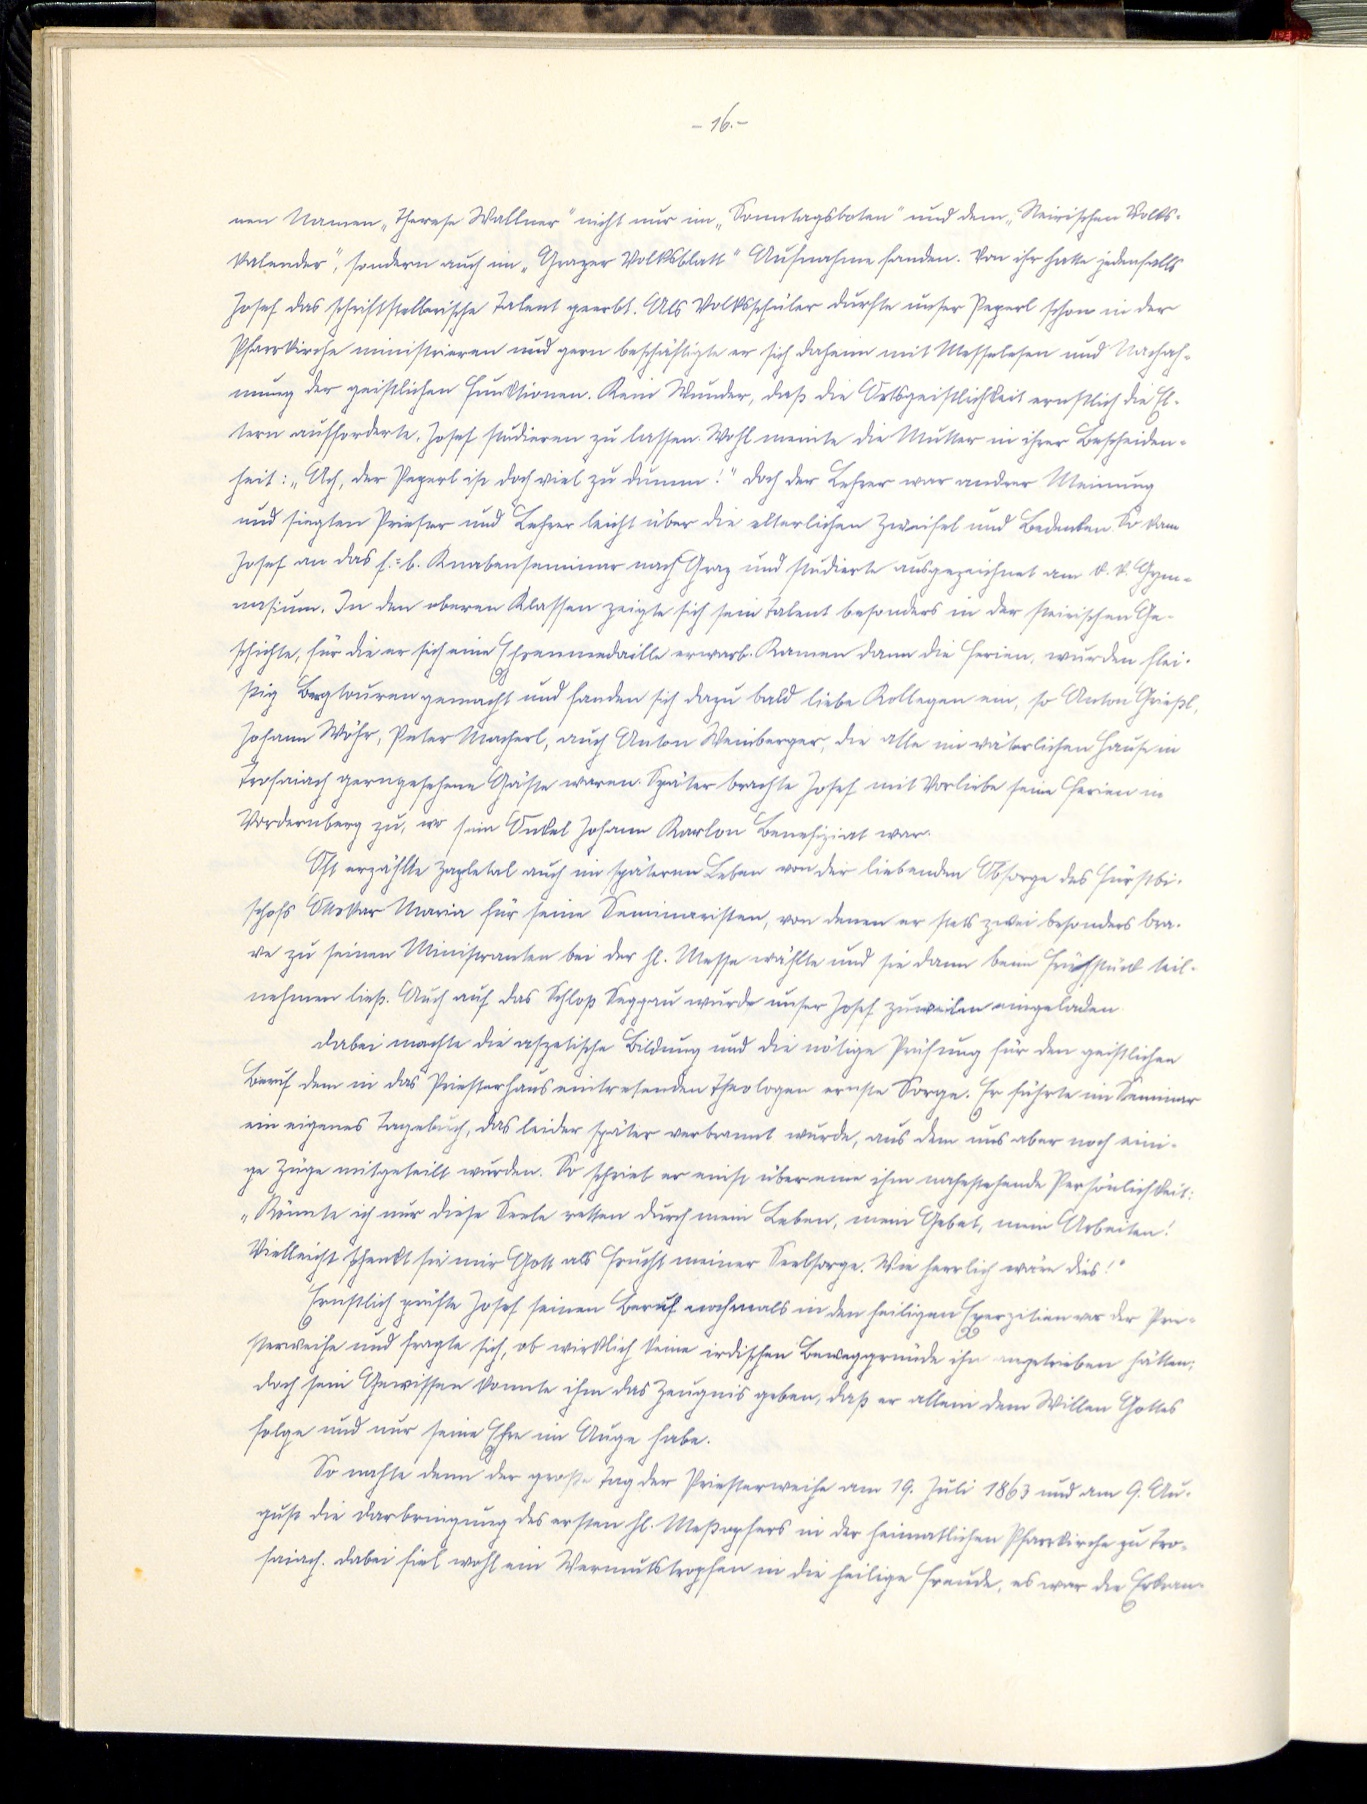-16.-
nen Namen "Therese Wallner" nicht nur im "Sonntagsboten" und dem "Steirischen Volks-
kalender", sondern auch im "Grazer Volksblatt" Aufnahme fanden. Von ihr hatte jdenfalls
Josef das schrifstellerische Talend geerbt. Als Volksschüer durfte unser Peperl schon in der
Pfarrkirche ministrieren und gern beschäftigte er sich daheim mit Messelesen und Nachah-
munt der geistlichen Funktionen. Kein Wunder, daß die Ortsgeistlichkeit ernstlich die El-
tern aufforderte, Josef studieren zu lassen. Wohl meinte die Mutter in ihrer Bescheiden-
heit: "Ach, der Peper ist doch viel zu dumm!" doch der Lehrer war andrer Meinung
und siegten Priester und Lehrer leicht über die elterlichen Zweifel und Bedenken. So kam
Josef an das f.-b. Knabenseminar nach Graz und studierte ausgezeichnet am k. k. Gym-
nasium. In den oberen Klassen zeigte sich Talent besonders in der steirischen Ge-
schichte, für die er sich eine Ehrenmedaille erwarb. Kamen dann die Ferien, wurde feli-
ßig Bergtouren gemacht und fanden sich dazu bald liebe Kollegen ein, so Anton Geißl,
Johann Woher, Peter Marcherl, auch Anton Weinberger, die alle im väterlichen Hause in
Trofaiach gerngesehen Gäste waren. Später brachte Josef mit Vorliebe seine Ferien in
Vardernberg zu, wo sein Onkel Johann Karlon Benefiziert war.
Oft erzählte Zapletal auch im späteren Leben von der liebenden Obsorge des Fürstbi-
schofs Anton Marwir für seine Seminaristen, von denen er stets zwei besonders bra-
ve zu seinen Ministranten bei der hl. Messe wählte und sie dann beim Frühstück teil-
nehmen ließ. Auch auf das Schloß Seggau wurde unser Josef zuweilen eingeldaden.
Dabei machte die aszetische Bildung und die nötige Prüfung für den geistlichen
Beruf dem in das priesterhaus eintretenden Theologen rechte Sorge. Er führte im Seminar
ein eigenes Tagebuch, das leider später verbrannt wurde, aus dem uns aber noch eini-
ge Züge mitgeteilt wurden. So schrieb er einst über eine ihm nahestehende Persönlichkeit:
"Könnte ich nur diese Seele retten ruch mein Leben, mein Gebet, meine Arbeiten!
Vielleicht schenkt sie mir Gott als Furcht meiner Seelsorge. Wie herrlich wäre dies!"
Ernstlich prüfte Josef seinen Beruf mehrmals in den heiligen Exerzitien vor der Prie-
sterweihe und frage sich, ob wirklich keine irdischen Beweggründe ihn angetrieben hätten;
doch sein Gewissen konnte ihm das Zeugnis geben, daß er allein dem Willen Gottes
folge und nur seine Ehre im Auge habe.
So nahte denn der große Tag der Priesterweihe am 19. Juli 1863 und am 9. Au-
gust die Darbringung des ersten hl. Meßopfers in der heimatlichen Pfarrkirche zu Tro-
faiach. Dabei fiel rech ein Wermuthsgropen in die heilige Freude, es war der Erkran-